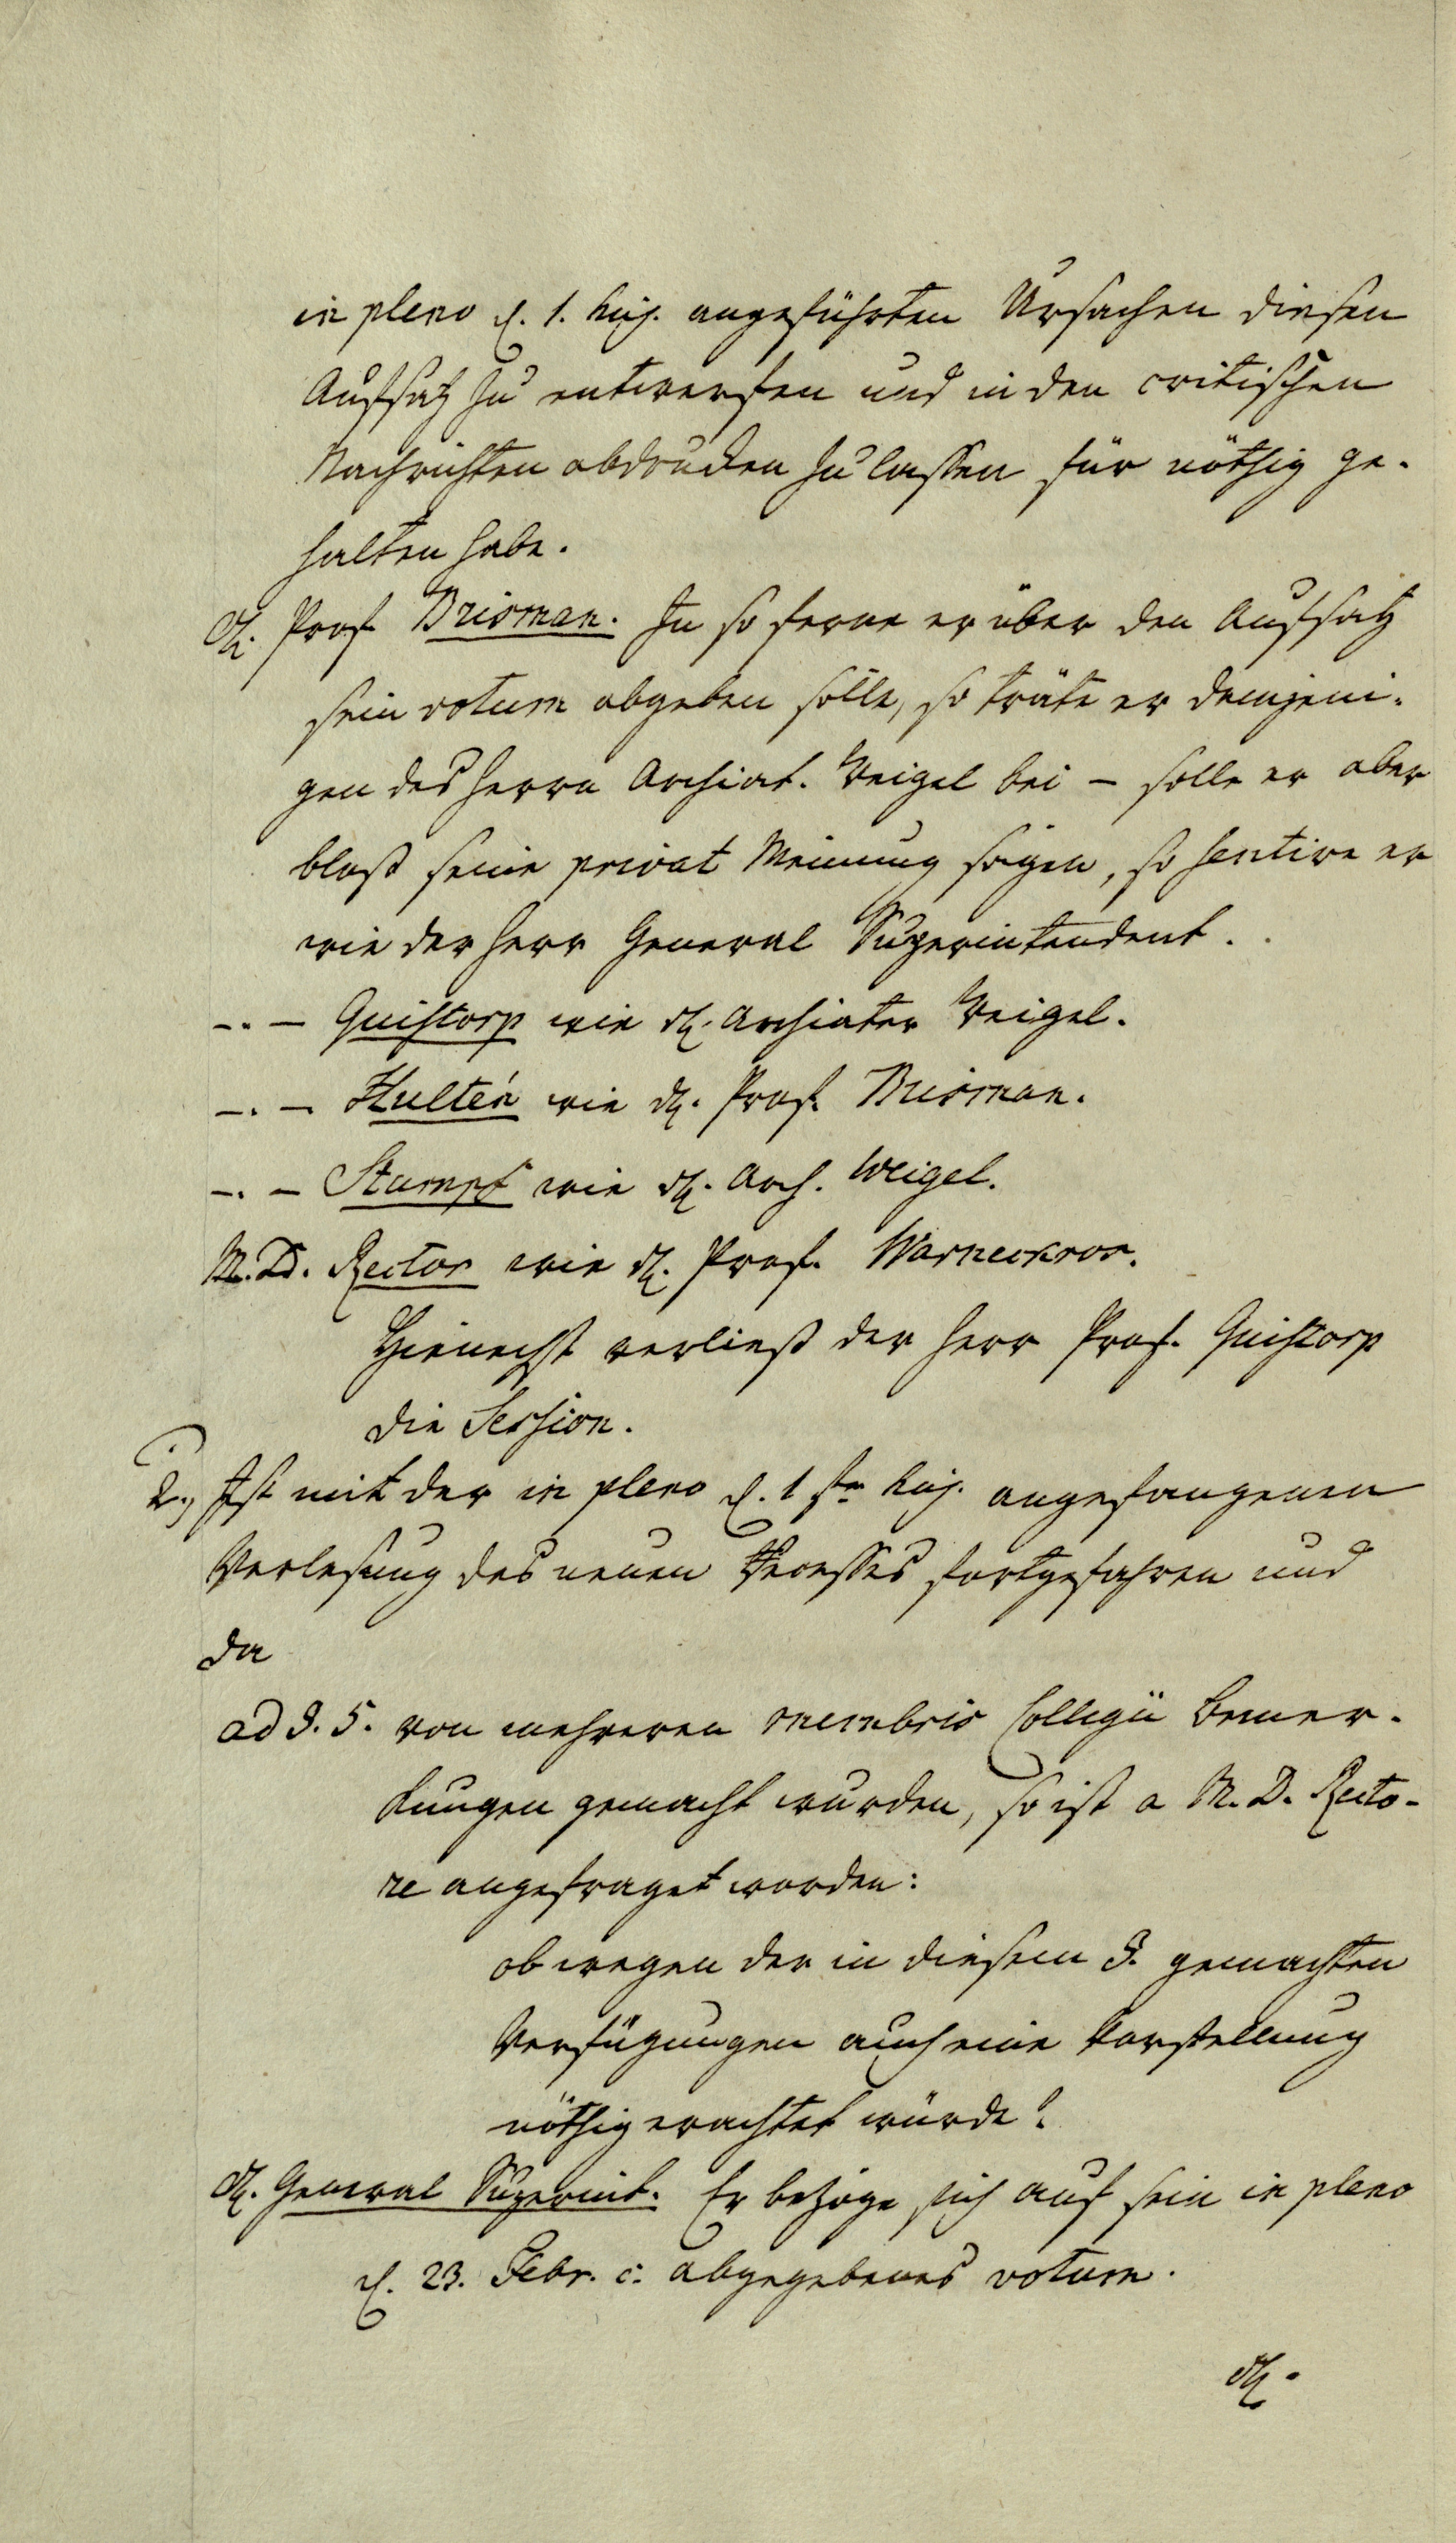in pleno d. 1. huj. angeführten Ursachen diesen
Aufsatz zu entwerfen und in den critischen
Nachrichten abdrucken zu lassen für nöthig ge¬
halten habe.
dh. Prof. Brisman. In so ferne er über den Aufsatz
sein votum abgeben solle, so träte er demjeni¬
gen des Herrn Archiat. Weigel bei - solle er aber
bloß seine privat Meinung sagen, so sentire er
wie der Herr General Superintendent.
Quistorp wie dh. Archiater Weigel.
Hultén wie dh. Prof. Brisman.
Stumpf wie dh. Arch. Weigel.
M. D. Rector wie dh. Prof. Warneckros.
Hienechst verließ der Herr Prof. Quistorp
die Session.
2., Ist mit der in pleno d. 1 sten huj. angefangenen
Vorlesung des neuen Recesses fortgefahren und
da
ad §. 5. von mehreren Membris Collegii Bemer-
kungen gemacht wurden, so ist a M. D. Recto¬
re angefraget worden:
ob wegen der in diesem §. gemachten
Verfügungen auch eine Vorstellung
nöthig erachtet würde?
dh. General Superint. Er bezöge sich auf sein in pleno
d. 23. Febr. c. abgegebenes votum.
dh.